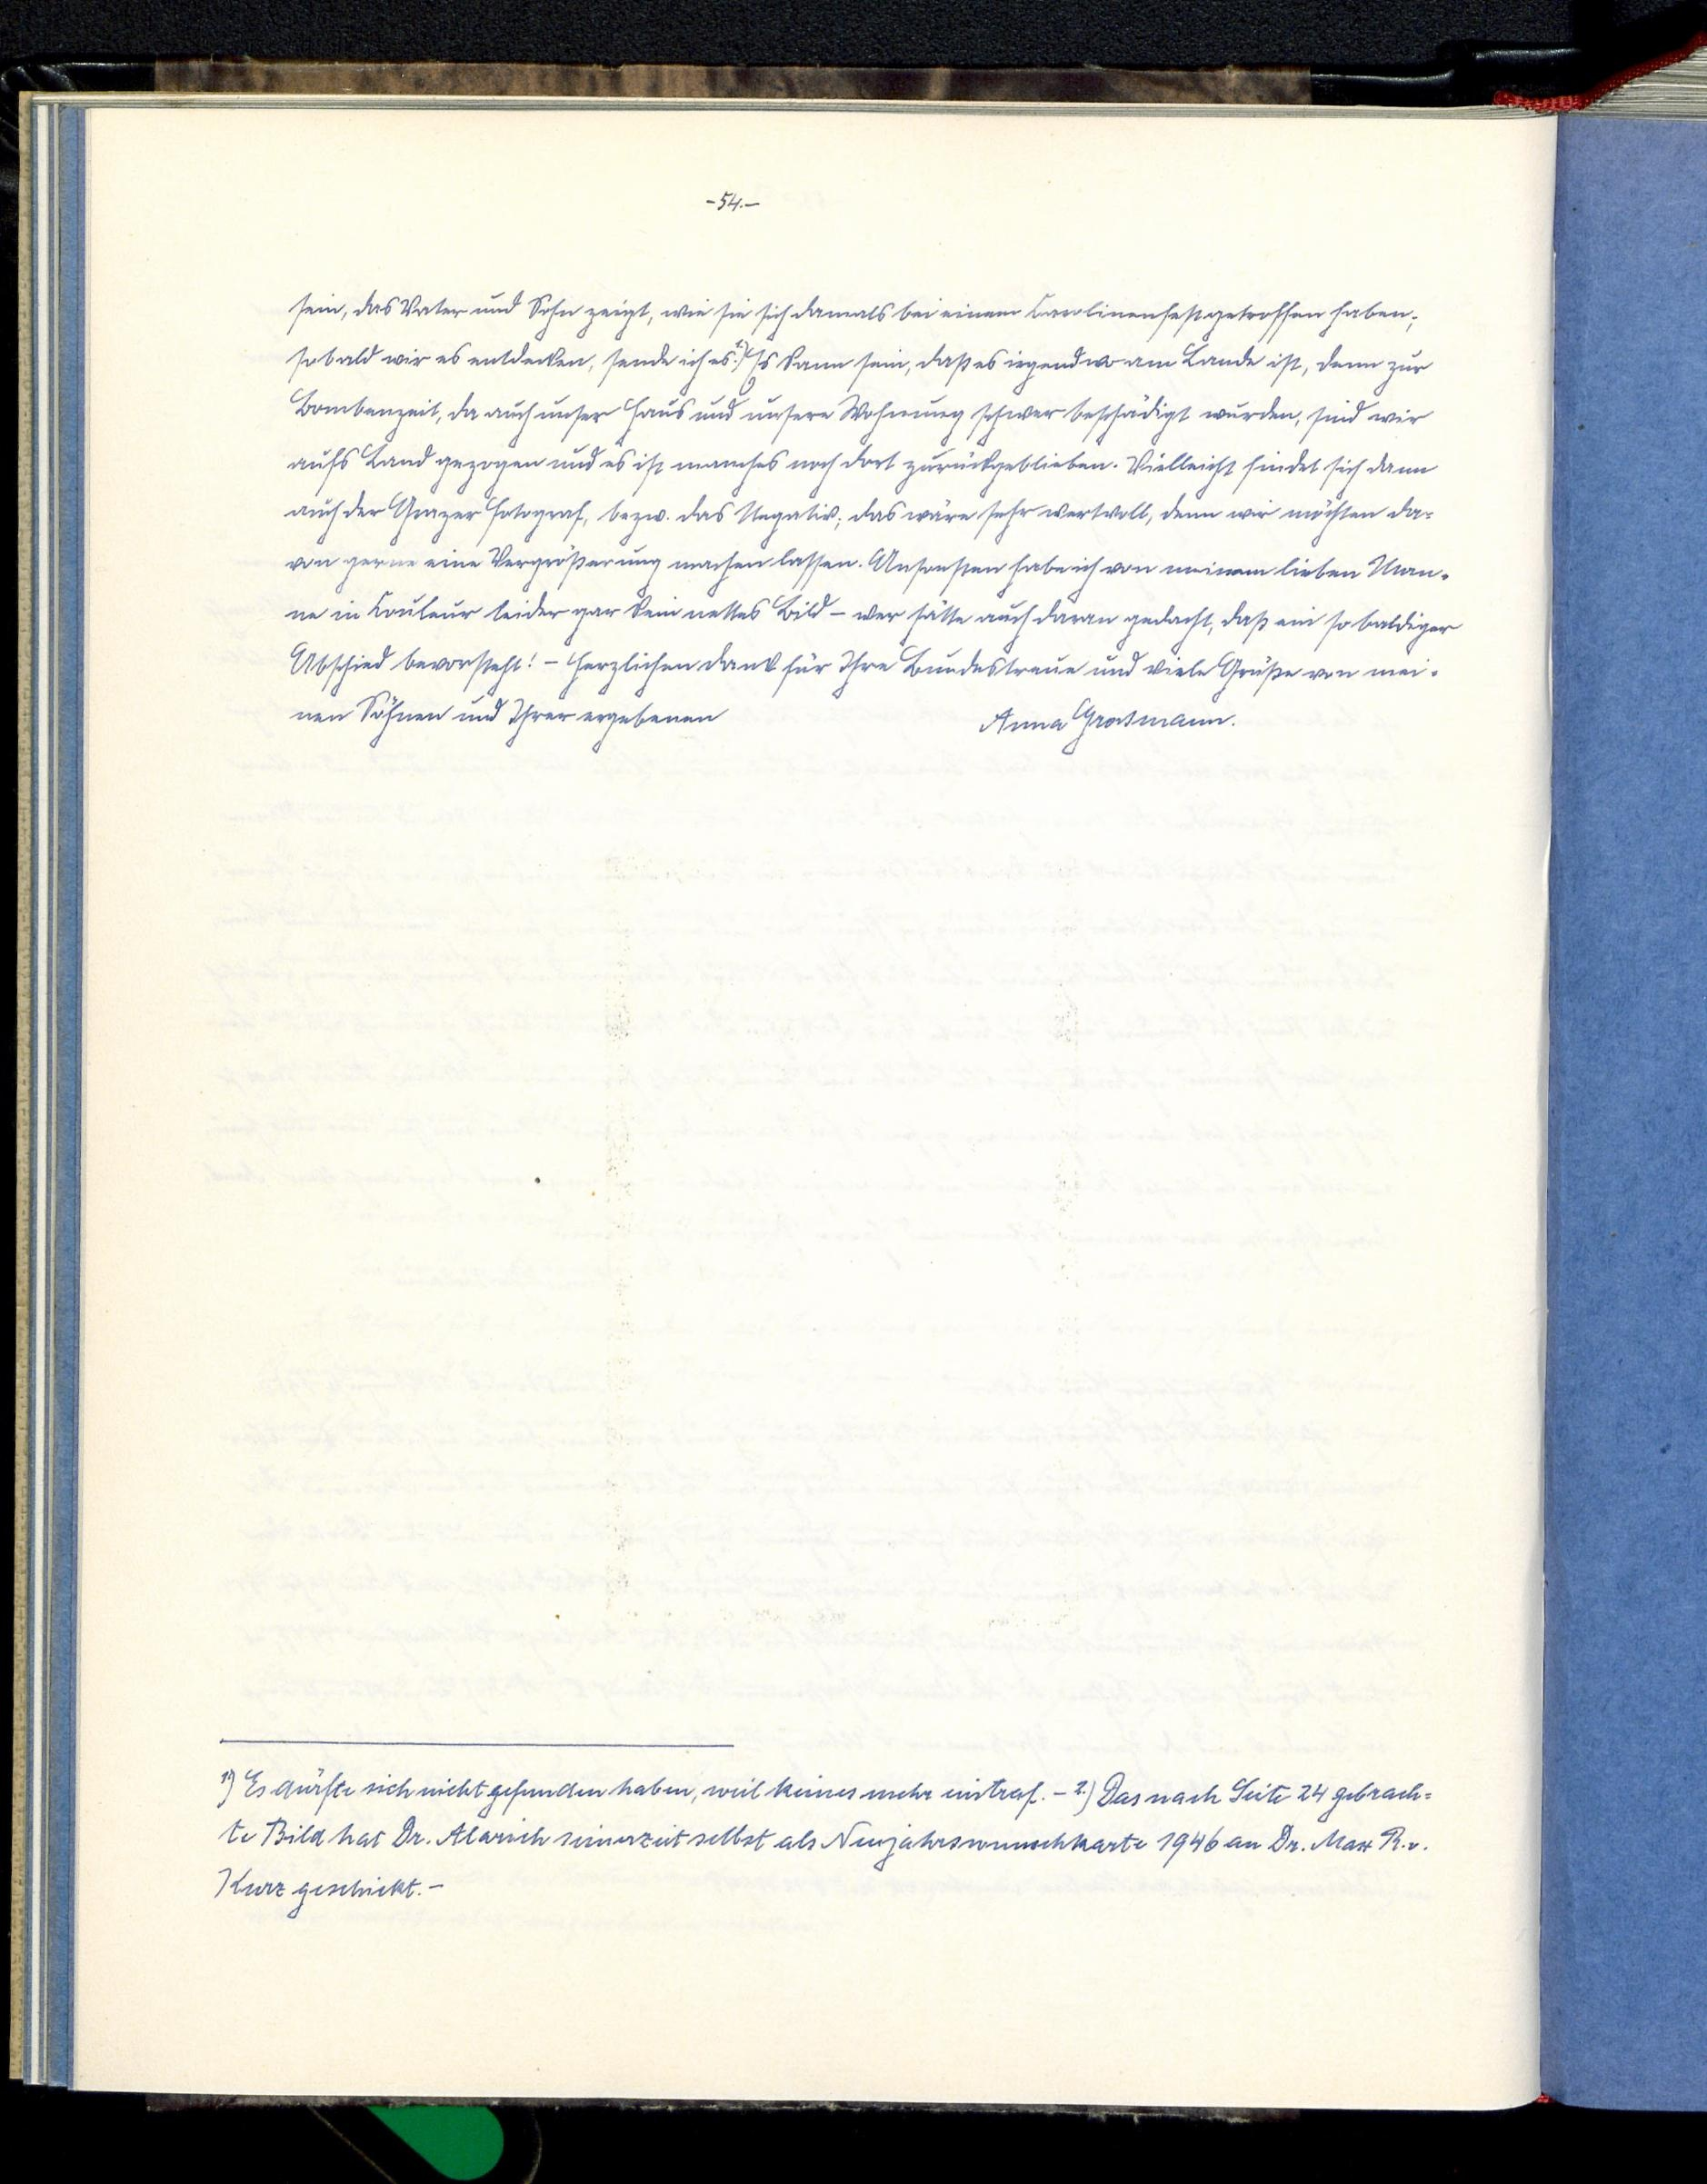54
sein, das Vater und Sohn zeigt, wie sie sich damals bei einem Carolinenfest getroffen haben;
sobald wir es entdecken, sende ich es.1) Es kann sein, dass es irgendwo am Lande ist, denn zur
Bombenzeit, da auch unser Haus und unsere Wohnung schwer beschädigt wurden, sind wir
aufs Land gezogen und es ist manches noch dort zurückgeblieben. Vielleicht findet sich dann
auch der Grazer Fotograf bzw. das Negativ; Das wäre sehr wertvoll, denn wir möchten da-
von gerne eine Vergrößerung machen lassen. Ansonsten habe ich von meinem lieben Man-
ne in Couleur leider gar kein nettes Bild - wer hätte auch daran gedacht, daß ein so baldiger
Abschied bevorsteht!- Herzlichen Dank für Ihren Bundestreue und viele Grüße von mei-
nem Söhnen und Ihrer ergebenen
Anna Großmann.
1) Es dürfte sich nicht gefunden haben, weil keines mehr eintraf.- 2) Das nach Seite 24 gebrach-
te Bild hat Dr. Heinrich seinerzeit selbst als Neujahrswunschkarte 1946 Dr. Max R. v.
Kurz geschickt.